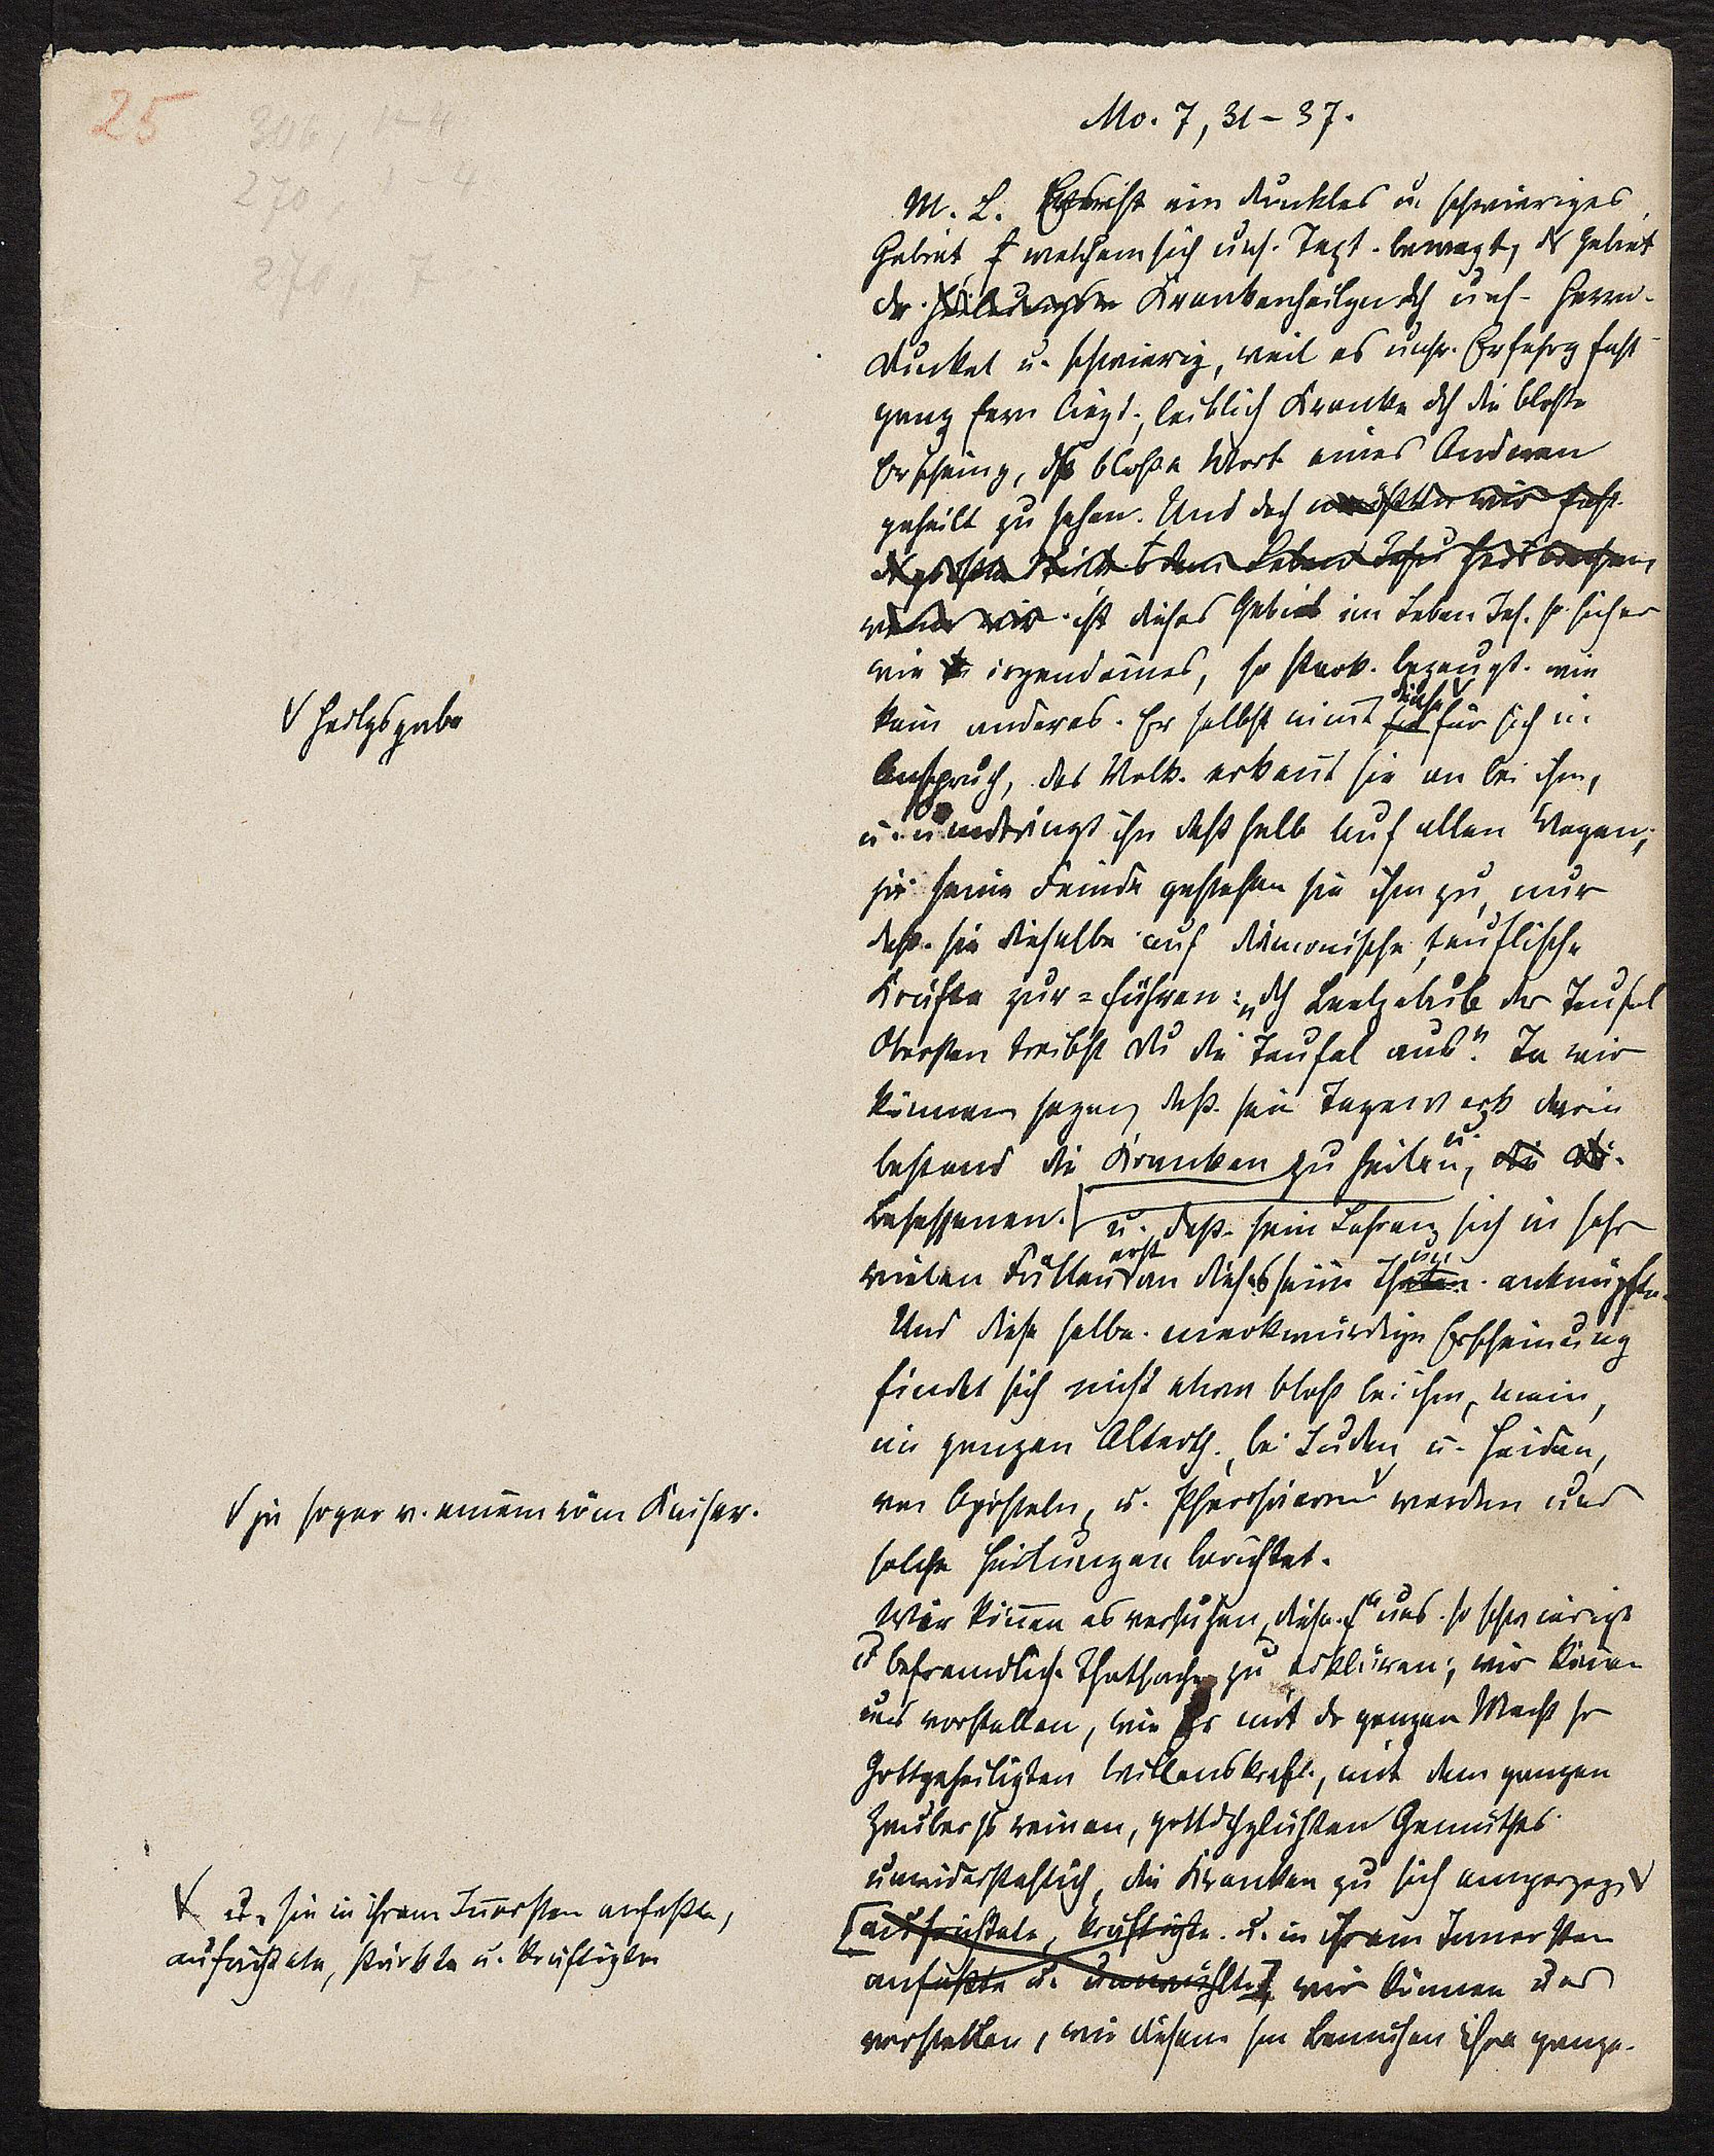V heilgsgabe
V ja sogar v. einem röm Kaiser.
V u. sie in ihrem Inersten erfaßte,
aufrüstete, stärkte u. kräftigte
Mc. 7,31-37
M. L. Es ist ein dunkles u. schwieriges
Gebiet f welchem sich uns. Text. bewegt, das Gebiet
der Heilungsw. Krankenheilgn dch uns. Herrn.
Dunkel und schwierig, weil es unsr Erfahrg fast
ganz fern liegt; leiblich Kranke dch die bloße
Erscheing, das bloße Wort eines Andren
geheilt zu sehen. Und doch möchten wir fast
das ja dses Stück s dem Leben Jesu hers nehmen
wenn wir ist dieses Gebiet im Leben Jes. so sicher
wie so irgendeines, so stark. bezeugt. wie
diese
kein anderes. Er selbst nimmt sich für sich in
Anspruch, das Volk erkent sie an bei ihm,
u verdrängt ihn deßhalb auf allen Wegen,
ja seine Freunde gestehen sie ihm zu, nur
daß sie dieselbe auf dämonische, teuflische
Kreise zur-führen: "dch Beelzebub der Teufel
Obersten treibst Du die Teufel aus." Ja wir
können sagen, daß sein Tagewerk darin
bestand, die Kranken zu heilen, die Du-
Besessenen:
u. daß seine Lehren sich in sehr
erst
un
vielen Füllen an dieses sein Th anknüpften.
Und diese selbe merkwürdige Erscheinung
findet sich nicht etwa bloß bei ihm, nein,
im ganzen Alterth., bei Juden u. Heiden,
von Aposteln, u. Pharisäern werden uns
solche Heilungen berichtet.
Wir können es versuchen, diese fü uns so schwierige
u befrendliche Thatsache zu erklären; wir könen
uns vorstellen, wie Er mit der ganzen Macht sr
Gottgeheiligten Willenskraft, mit dem ganzen
Zauber ss reinen, gottdchglühten Gemüthes
unwiderstehlich, die Kranken zu sich emporgezog V
aufrichtete, kräftigte. u. in ihrem Innersten
anfaßte u. umwühlte wir können uns
vorstellen, wie diesen sm Bemühen ihn ganze.